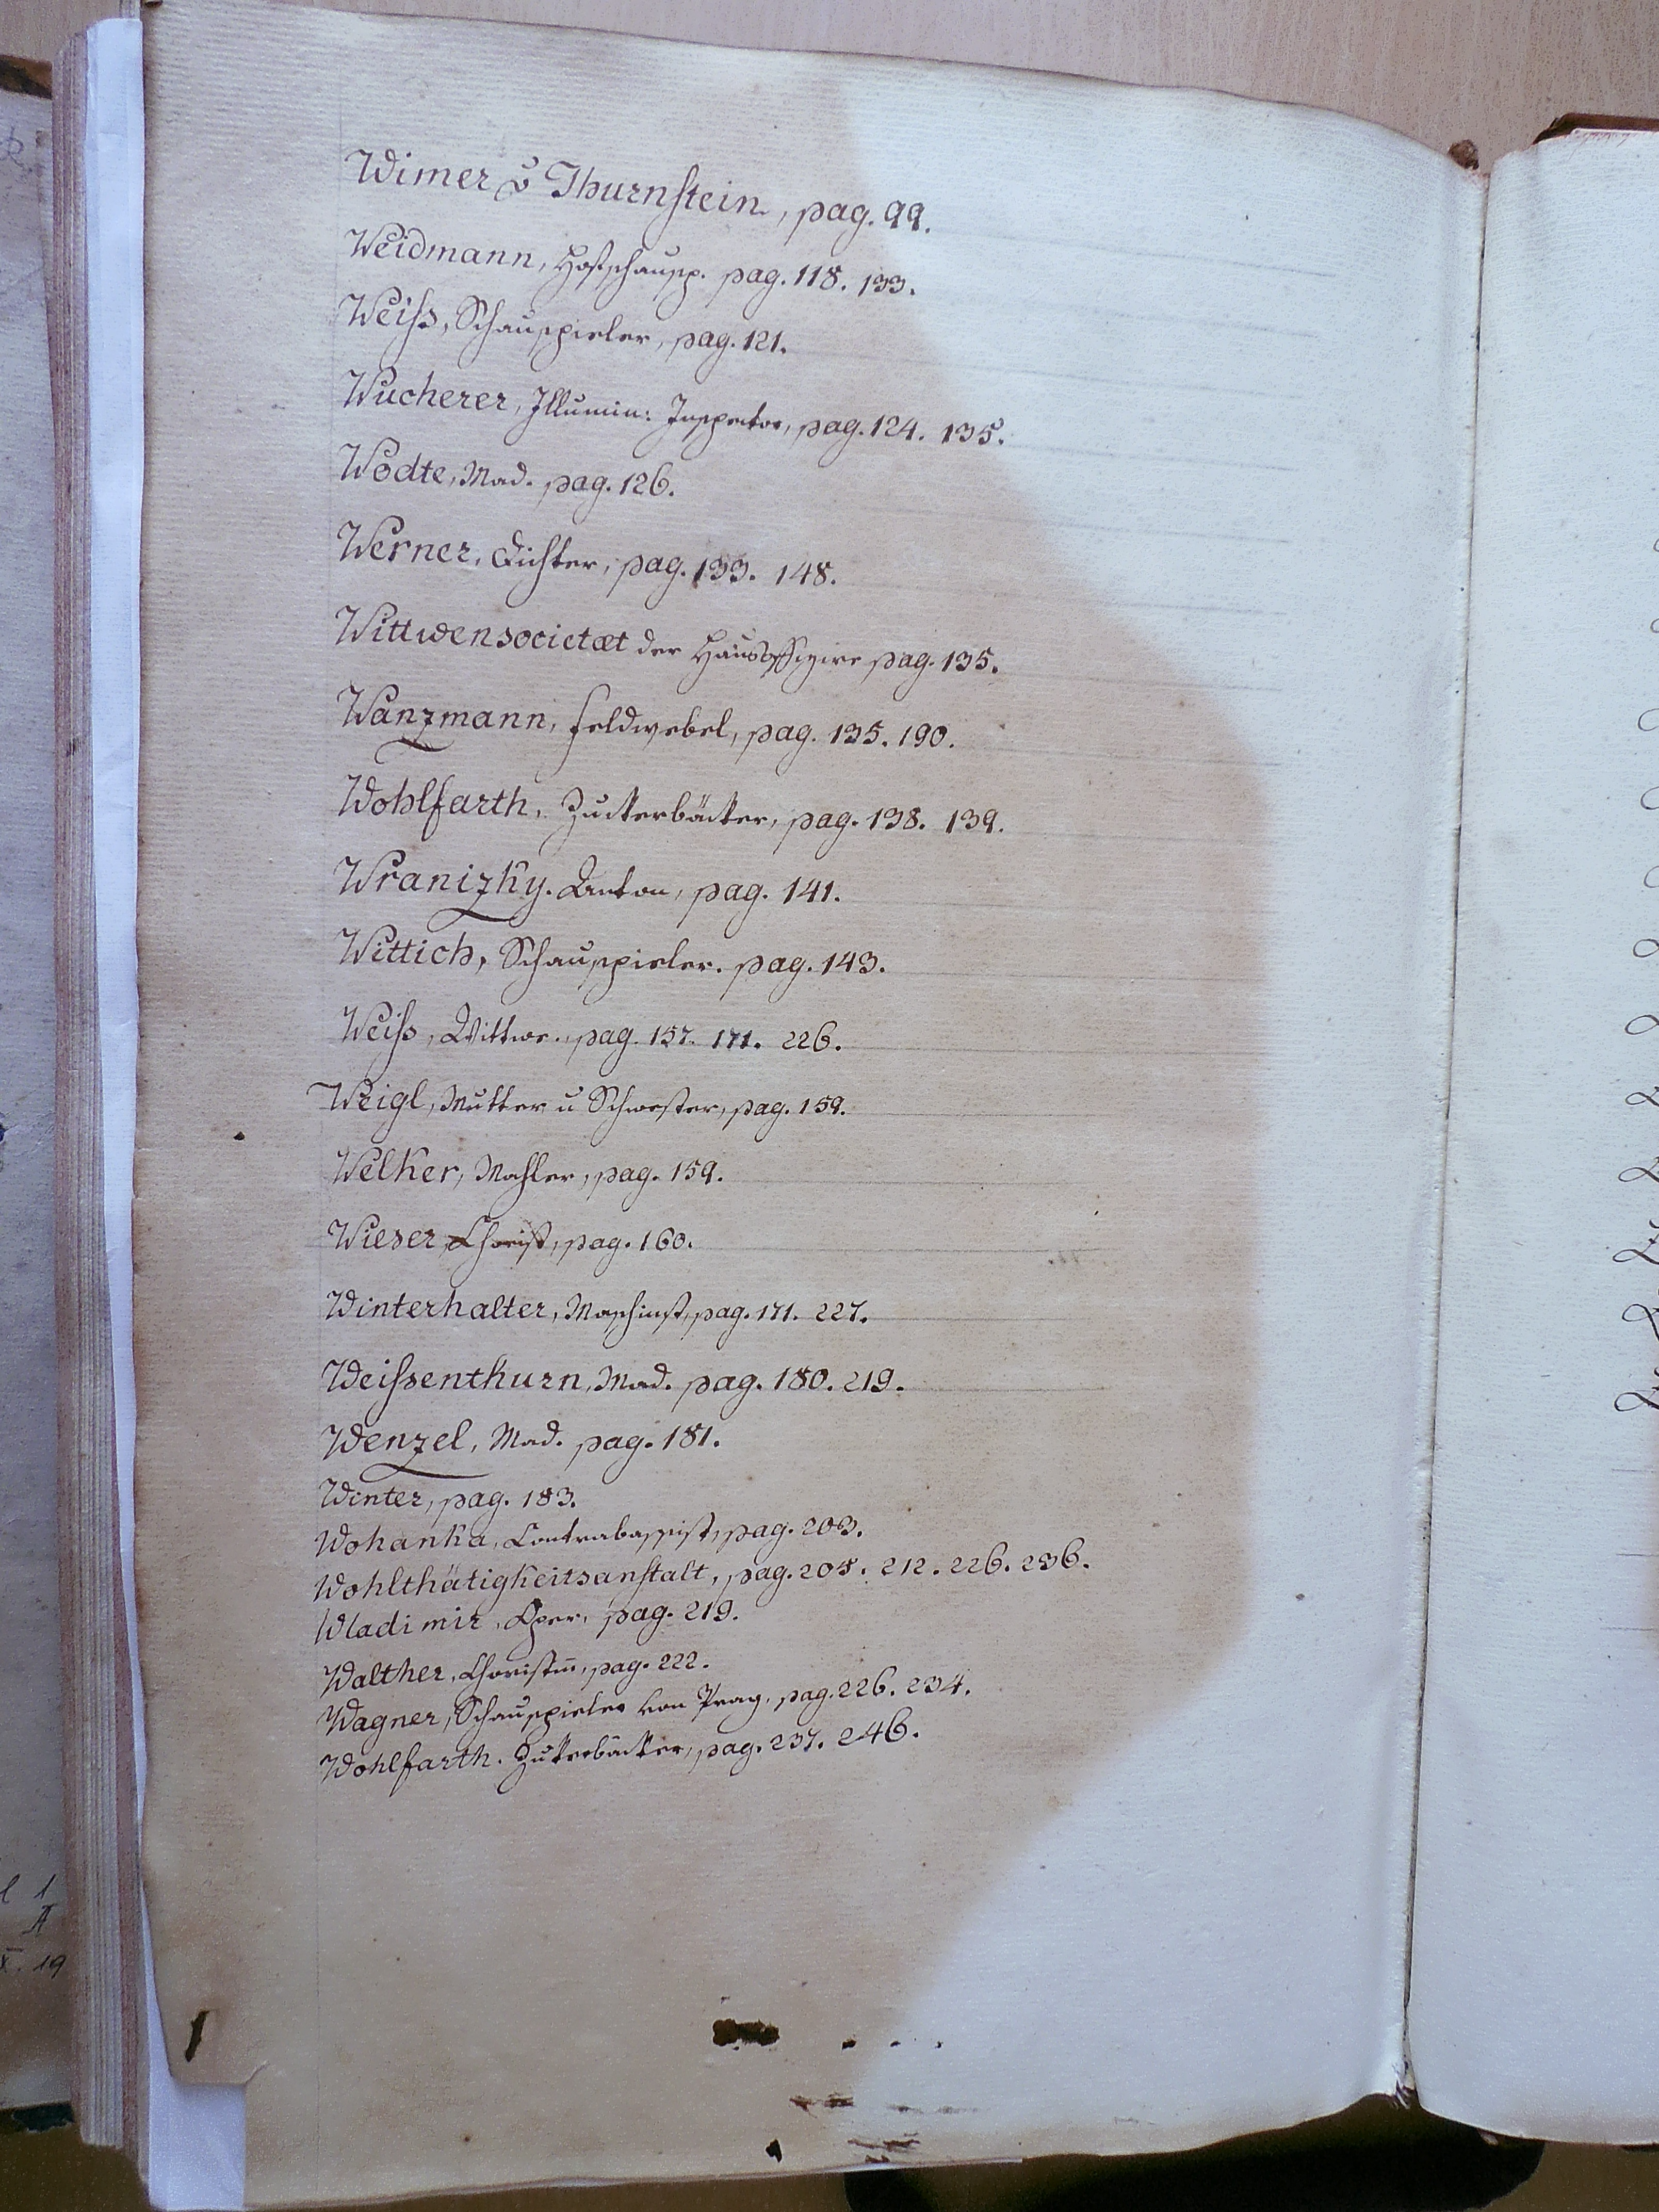Wimer v Thurnstein, pag. 99.
Weidmann, Hofschausp. pag. 118. 133.
Weihs, Schauspieler, pag. 121.
Wucherer, Illumin: Inspector, pag. 124. 135.
Wodte, Mad. pag. 126.
Werner, Dichter, pag. 133. 148.
Wittwensocietæt der Hausoffizire pag. 135.
Wanzmann, Feldwebel, pag. 135. 190.
Wohlfarth, Zuckerbäcker, pag. 138. 139.
Wranizky. Anton, pag. 141.
Wittich, Schauspieler. pag 143.
Weihs, Wittwe. pag. 157. 171. 226.
Weigl, Mutter u Schwester, pag. 159.
Welker, Mahler, pag. 159.
Wieser, Chorist, pag. 160.
Winterhalter, Maschinist, pag. 171. 227.
Weissenthurn, Mad. pag. 180. 219.
Wenzel, Mad. pag. 181.
Winter, pag. 183.
Wohanka, Contrabassist, pag. 2o3.
Wohlthätigkeitsanstalt, pag. 205. 212. 226. 236.
Wladimir, Oper, pag. 219.
Walther, Choristin̅, pag. 222.
Wagner, Schauspieler von Prag, pag. 226. 234.
Wohlfarth. Zuckerbäcker, pag. 237. 246.